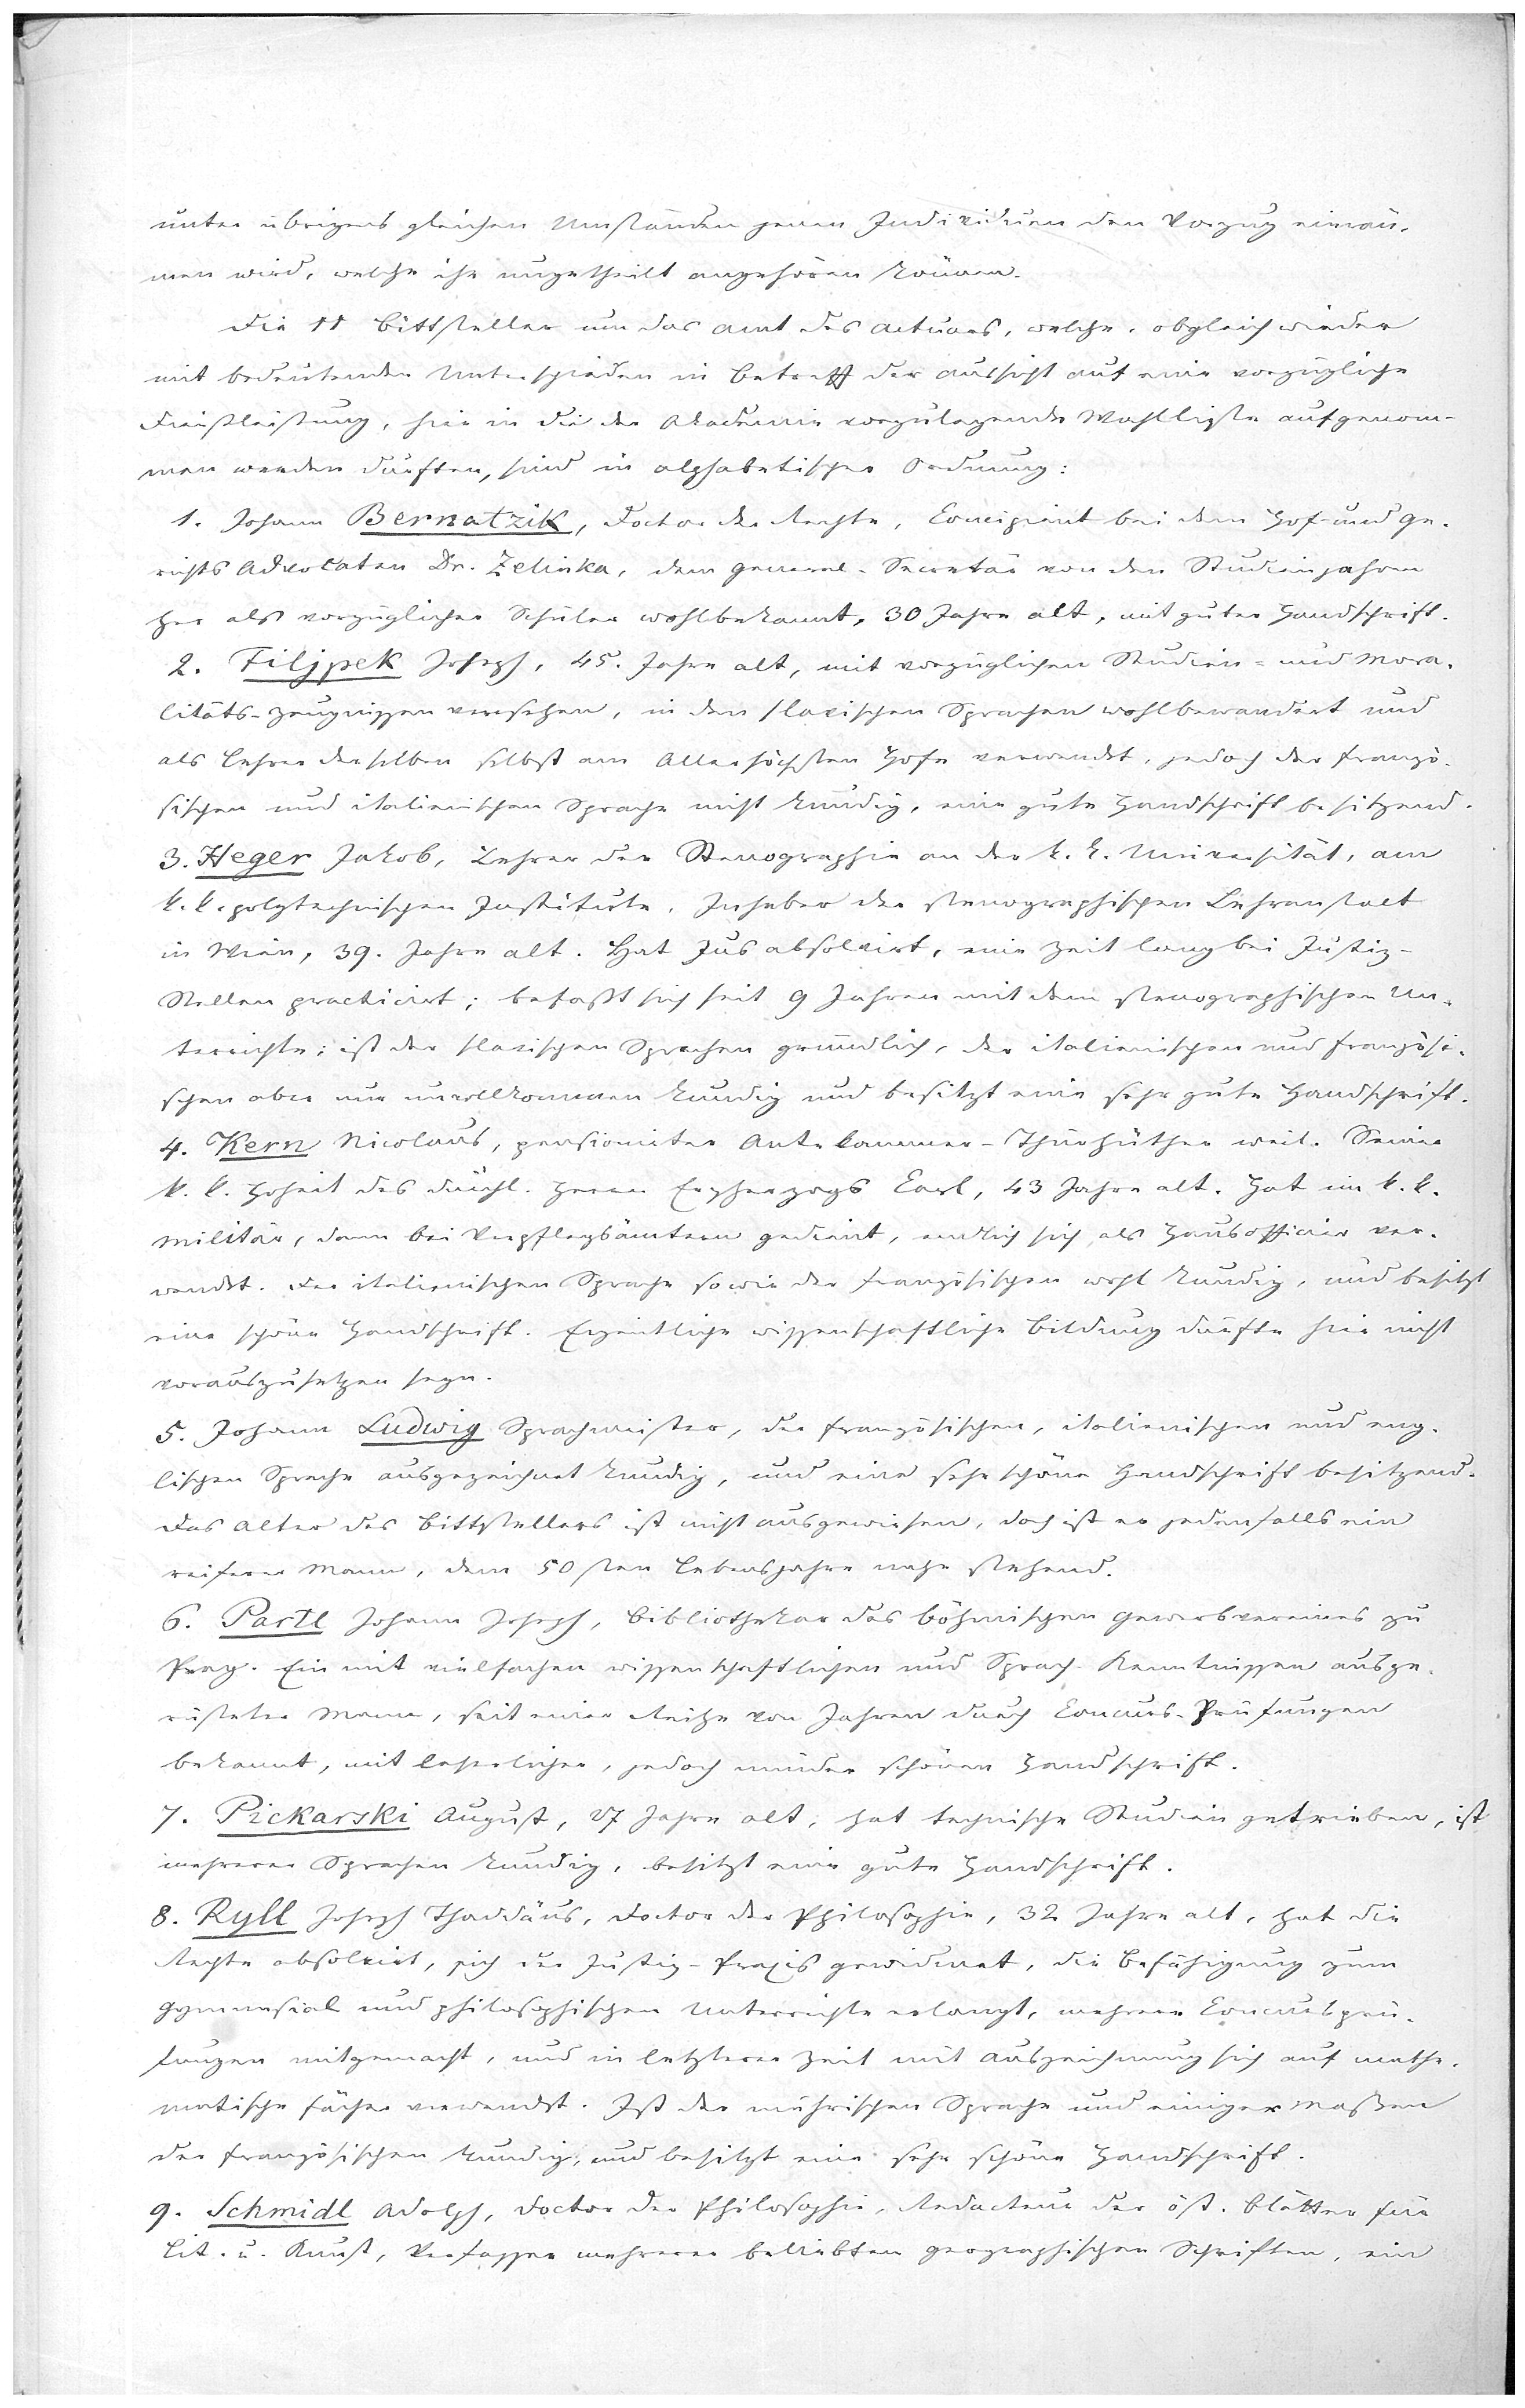unter übrigens gleichen Umständen jenen Individuen den Vorzug einräu-
men wird, welche ihr ungetheilt angehören können.
Die 11 Bittsteller um das Amt des Actuars, welche, obgleich wieder
mit bedeutenden Unterschieden in Betreff der Aussicht auf eine vorzügliche
Dienstleistung, hier in die der Akademie vorzulegenende Wahlliste aufgenom-
men werden dürften, sind in alphabetischer Ordnung:
1. Johann Bernatzik, Doctor der Rechte, Concipient bei dem Hof- und Ge-
richtsAdvocaten Dr. Zelinka, dem General-Secretär von den Studienjahren
her als vorzüglicher Schüler wohlbekannt, 30 Jahre alt, mit guter Handschrift.
2. Filjpek Joseph, 45. Jahre alt, mit vorzüglichen Studien und Mora-
litäts-Zeugnissen versehen, in den slavischen Sprachen wohlbewandert und
sischen und italienischen Sprache nicht kundig, eine gute Handschrift besitzend.
als Lehrer derselben selbst am Allerhöchsten Hofe verwendet, jedoch der franzö-
3. Heger Jakob, Lehrer der Stenographie an der k.k. Universität, am
k.k. polytechnischen Institute, Inhaber der stenographischen Lehranstalt
in Wien, 39 Jahre alt. Hat Jus absolvirt, eine Zeit lang bei Justiz-
Stellen practicirt; befaßt sich seit 9 Jahren mit dem stenographischen Un-
terricht; ist der slavischen Sprachen gründlich, der italienischen und französi-
schen aber nur unvollkommen kundig und besitzt eine sehr gute Handschrift.
4. Kern, Nicolaus, pensionirter Antekammer-Thürhüther weil. Seiner
k.k. Hoheit des Durchl. Herrn Erzherzogs Carl, 43 Jahre alt. Hat im k.k.
Militär, dann bei Verpflegsämtern gedient, endlich sich als Hausofficier ver-
wendet. Der italienischen Sprache sowie der französischen wohl kundig, und besitzt
eine schöne Handschrift. Eigentliche wissenschaftliche Bildung dürfte hier nicht
vorauszusetzen seyn.
5. Johann Ludwig Sprachmeister, der französischen, italienischen und eng-
lischen Sprache ausgezeichnet kundig, und eine sehr schöne Handschrift besitzend.
Das Alter des Bittstellers ist nicht ausgewiesen, doch ist er jedenfalls ein
reiferer Mann, dem 50sten Lebensjahr nahe stehend.
6. Partl Johann Joseph, Bibliothekar des böhmischen Gewerbevereines zu
Prag. Ein mit vielfachen wissenschaftlichen und Sprach Kenntnissen ausge-
richteter Mann, seit einer Reihe von Jahren durch Concurs-Prüfungen
bekannt, mit leserlicher, jedoch minder schönen Handschrift.
7. Pickarski August, 27 Jahre alt, hat technische Studien getrieben, ist
mehrerer Sprachen kundig, besitzt eine gute Handschrift.
Ryll Joseph Thaddäus, Doctor der Philosophie, 32 Jahre alt, hat die
Rechte absolvirt, sich der Justiz Praxis gewidmet, die Befähigung zum
Gymnasial und philosophischen Unterrichte erlangt, mehrere Concursprü-
fungen mitgemacht, und in letzterer Zeit mit Auszeichnung sich auf mathe-
matische Fächer verwendet. Ist der mährischen Sprache und einigermaßen
der französischen kundig, und besitzt eine sehr schöne Handschrift.
Schmidl, Adolph, Doctor der Philosophie, Redacteur der öst. Blätter für
Lit. u. Kunst, Verfasser mehrerer Beliebten geographischen Schriften, ein